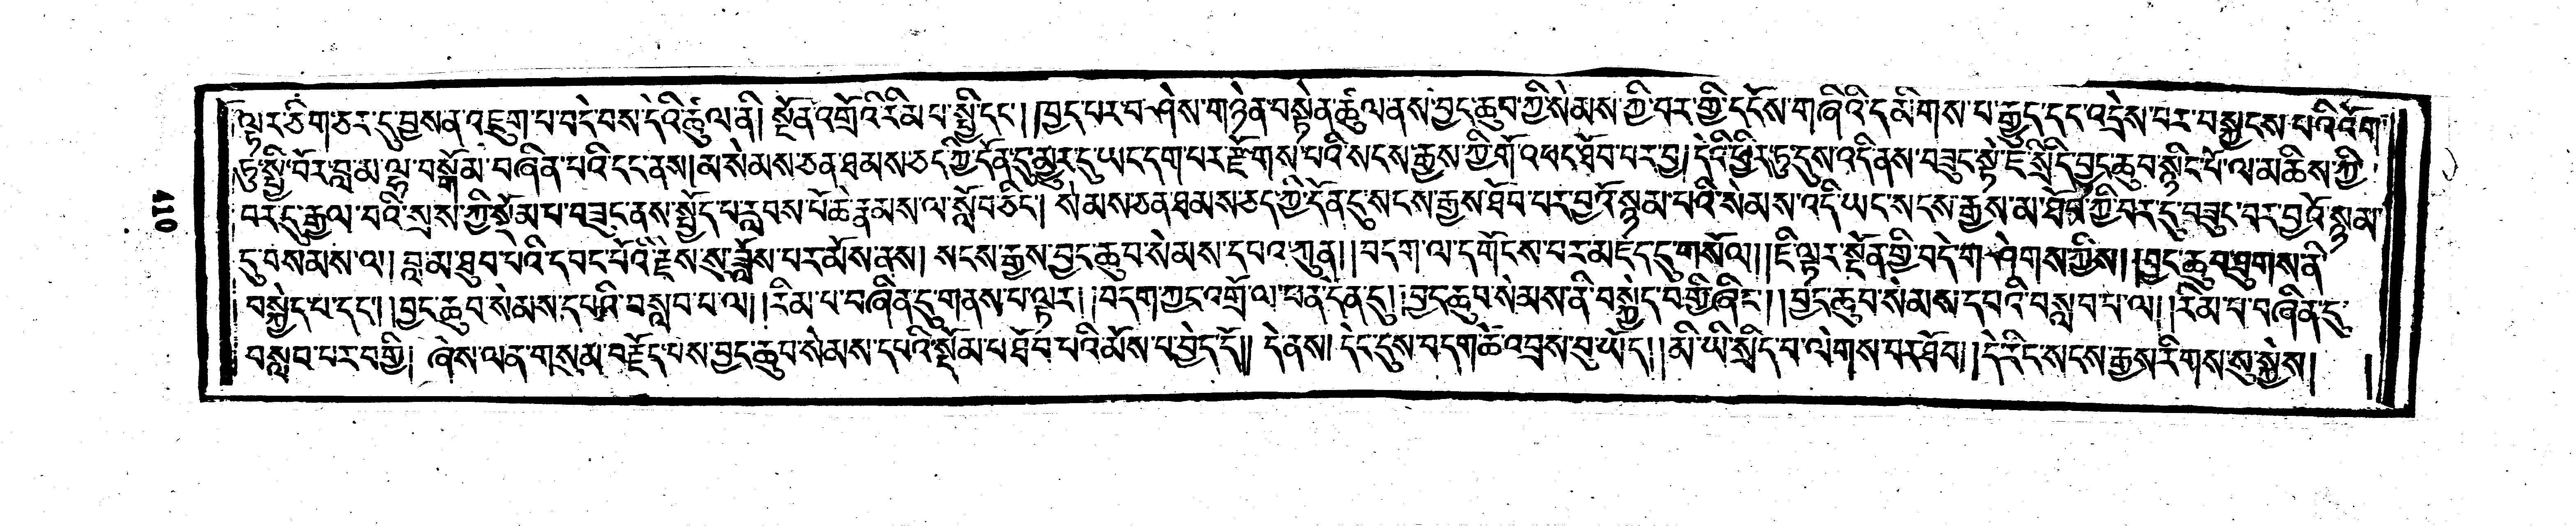ལྟར་ཅིག་ཅར་དུ་བྱས་ན་འཇུག་པ་བདེ་བས་དེའི་ཚུལ་ནི། སྔོན་འགྲོའི་རིམ་པ་སྤྱི་དང་། ཁྱད་པར་བཤེས་གཉེན་བསྟེན་ཚུལ་ནས་བྱང་ཆུབ་ཀྱི་སེམས་ཀྱི་བར་གྱི་དངོས་གཞིའི་དམིགས་པ་རྒྱུད་དང་འདྲེས་པར་བསྐྱངས་པའི་ཐོག་
ཏུ་སྤྱི་བོར་བླ་མ་ལྷ་བསྒོམ་བཞིན་པའི་ངང་ནས། མ་སེམས་ཅན་ཐམས་ཅད་ཀྱི་དོན་དུ་མྱུར་དུ་ཡང་དག་པར་རྫོགས་པའི་སངས་རྒྱས་ཀྱི་གོ་འཕང་ཐོབ་པར་བྱ། དེའི་ཕྱིར་ཏུ་དུས་འདི་ནས་བཟུང་སྟེ་ཇི་སྲིད་བྱང་ཆུབ་སྙིང་པོ་ལ་མཆིས་ཀྱི་
བར་དུ་རྒྱལ་བའི་སྲས་ཀྱི་སྡོམ་པ་བཟུང་ནས་སྤྱོད་པ་རླབས་པོ་ཆེ་རྣམས་ལ་སློབ་ཅིང་། སེམས་ཅན་ཐམས་ཅད་ཀྱི་དོན་དུ་སངས་རྒྱས་ཐོབ་པར་བྱའོ་སྙམ་པའི་སེམས་འདི་ཡང་སངས་རྒྱས་མ་ཐོབ་ཀྱི་བར་དུ་བཟུང་བར་བྱའོ་སྙམ་
དུ་བསམ་ལ། བླ་མ་ཐུབ་པའི་དབང་པོའི་རྗེས་སུ་ཟློས་པར་མོས་ནས། སངས་རྒྱས་བྱང་ཆུབ་སེམས་དཔའ་ཀུན། །བདག་ལ་དགོངས་པར་མཛད་དུ་གསོལ། །ཇི་ལྟར་སྔོན་གྱི་བདེ་གཤེགས་ཀྱིས། །བྱང་ཆུབ་ཐུགས་ནི་
བསྐྱེད་པ་དང་། །བྱང་ཆུབ་སེམས་དཔའི་བསླབ་པ་ལ། །རིམ་པ་བཞིན་དུ་གནས་པ་ལྟར། །བདག་ཀྱང་འགྲོ་ལ་ཕན་དོན་དུ། །བྱང་ཆུབ་སེམས་ནི་བསྐྱེད་བགྱི་ཞིང་། །བྱང་ཆུབ་སེམས་དཔའི་བསླབ་པ་ལ། །རིམ་པ་བཞིན་དུ་
བསླབ་པར་བགྱི། ཞེས་ལན་གསུམ་བརྗོད་པས་བྱང་ཆུབ་སེམས་དཔའི་སྡོམ་པ་ཐོབ་པའི་མོས་པ་བྱེད་དོ། །དེ་ནས། དེང་དུས་བདག་ཚེ་འབྲས་བུ་ཡོད། །མི་ཡི་སྲིད་པ་ལེགས་པར་ཐོབ། །དེ་རིང་སངས་རྒྱས་རིགས་སུ་སྐྱེས། །